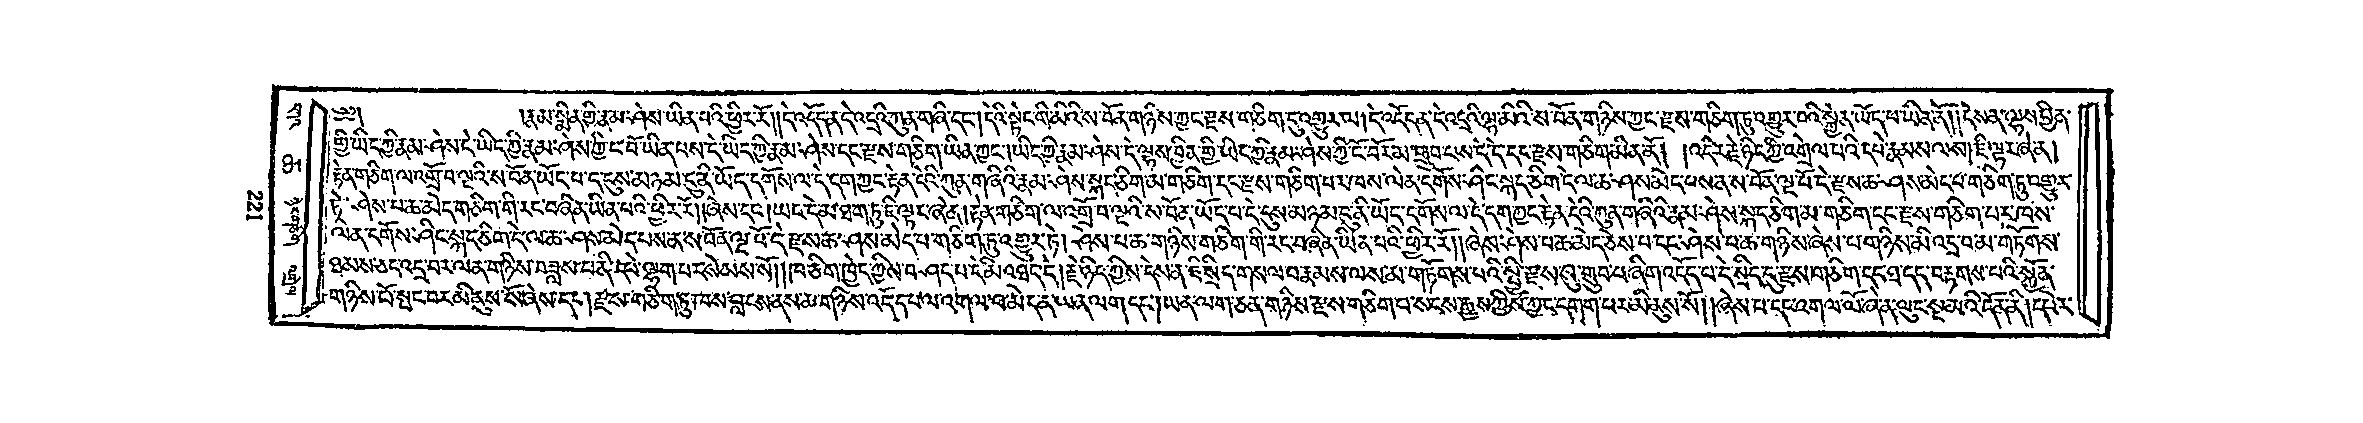༄༅། །རྣམ་སྨིན་གྱི་རྣམ་ཤེས་ཡིན་པའི་ཕྱིར་རོ། །དེ་འདོད་ན་དེ་འདྲའི་ཀུན་གཞི་དང་། དེའི་སྟེང་གི་མིའི་ས་བོན་གཉིས་ཀྱང་རྫས་གཅིག་དུ་འགྱུར་ལ། དེ་འདོད་ན་དེ་འདྲའི་ལྷ་མིའི་ས་བོན་གཉིས་ཀྱང་རྫས་གཅིག་ཏུ་འགྱུར་བའི་སྐྱེན་ཡོད་པ་ཡིན་ནོ། །དེས་ན་ལྷས་བྱིན་
གྱི་ཡིད་ཀྱི་རྣམ་ཤེས་དེ་ཡིད་ཀྱི་རྣམ་ཤེས་ཀྱི་ངོ་བོ་ཡིན་པས་དེ་ཡིད་ཀྱི་རྣམ་ཤེས་དང་རྫས་གཅིག་ཡིན་ཀྱང་། ཡིད་ཀྱི་རྣམ་ཤེས་དེ་ལྷས་བྱིན་གྱི་ཡིད་ཀྱི་རྣམ་ཤེས་ཀྱི་ངོ་བོར་མ་གྲུབ་པས་དེ་དེ་དང་རྫས་གཅིག་མིན་ནོ། །འདིར་རྗེ་ཉིད་ཀྱི་འགྲེལ་བའི་དཔེ་རྣམས་ལས། ཇི་ལྟར་ཞེ་ན།
རྟེན་གཅིག་ལ་འགྲོ་བ་ལྔའི་ས་བོན་ཡོང་པ་ད་དུས་མཉམ་དུ་ནི་ཡོད་དགོས་ལ་དེ་དག་ཀྱང་རྟེན་དེའི་ཀུན་གཞིའི་རྣམ་ཤེས་སྐད་ཅིག་མ་གཅིག་དང་རྫས་གཅིག་པར་ཁས་ལེན་དགོས་ཤིང་སྐད་ཅིག་དེ་ལ་ཆ་ཤས་མེད་པས་ན་ས་བོན་ལྔ་པོ་དེ་རྫས་ཆ་ཤས་མེད་པ་གཅིག་ཏུ་འགྱུར་
ཏེ་ཤེས་པ་ཆ་མེད་གཅིག་གི་རང་བཞིན་ཡིན་པའི་ཕྱིར་རོ། །ཞེས་དང་། ཡང་དེ་མ་ཐག་ཏུ་ཇི་ལྟར་ཞེ་ན། རྟེན་གཅིག་ལ་འགྲོ་བ་ལྔའི་ས་བོན་ཡོད་པ་དེ་དུས་མཉམ་དུ་ནི་ཡོད་དགོས་ལ་དེ་དག་ཀྱང་རྟེན་དེའི་ཀུན་གཞིའི་རྣམ་ཤེས་སྐད་ཅིག་མ་གཅིག་དང་རྫས་གཅིག་པར་ཁས་
ལེན་དགོས་ཤིང་སྐད་ཅིག་དེ་ལ་ཆ་ཤས་མེད་པས་ན་ས་བོན་ལྔ་པོ་དེ་རྫས་ཆ་ཤས་མེད་པ་གཅིག་ཏུ་འགྱུར་ཏེ། ཤེས་པ་ཆ་གཉིས་གཅིག་གི་རང་བཞིན་ཡིན་པའི་ཕྱིར་རོ། །ཞེས་ཤེས་པ་ཆ་མེད་ཅེས་པ་དང་ཤེས་པ་ཆ་གཉིས་ཞེས་པ་གཉིས་མི་འདྲ་བ་མ་གཏོགས་
ཐམས་ཅད་འདྲ་བར་ལན་གཉིས་བཟླས་པ་ནི་དཔེ་ལྷག་པར་སེམས་སོ། །ཁ་ཅིག་ཁྱེད་ཀྱིས་བཤད་པ་དེ་མི་འཐད་དེ། རྗེ་ཉིད་ཀྱིས་དེས་ན་ཇི་སྲིད་གསལ་བ་རྣམས་ལས་མ་གཏོགས་པའི་སྤྱི་རྫས་སུ་གྲུབ་པ་ཞིག་འདོད་པ་དེ་སྲིད་དུ་རྫས་གཅིག་དང་ཐ་དད་བརྟགས་པའི་སྐྱོན་
གཉིས་པོ་སྤང་བར་མི་ནུས་སོ་ཞེས་དང་། རྫས་གཅིག་ཏུ་ཁས་བླངས་ནས་ཆ་གཉིས་འདོད་པ་ལ་འགལ་བ་མེད་ན་ཡན་ལག་དང་། ཡན་ལག་ཅན་གཉིས་རྫས་གཅིག་པ་སངས་རྒྱས་ཀྱིས་ཀྱང་དགག་པར་མི་ནུས་སོ། །ཞེས་པ་དང་འགལ་ལོ་ཞེ་ན་ལུང་སྔ་མའི་དོན་ནི། དཔེར་